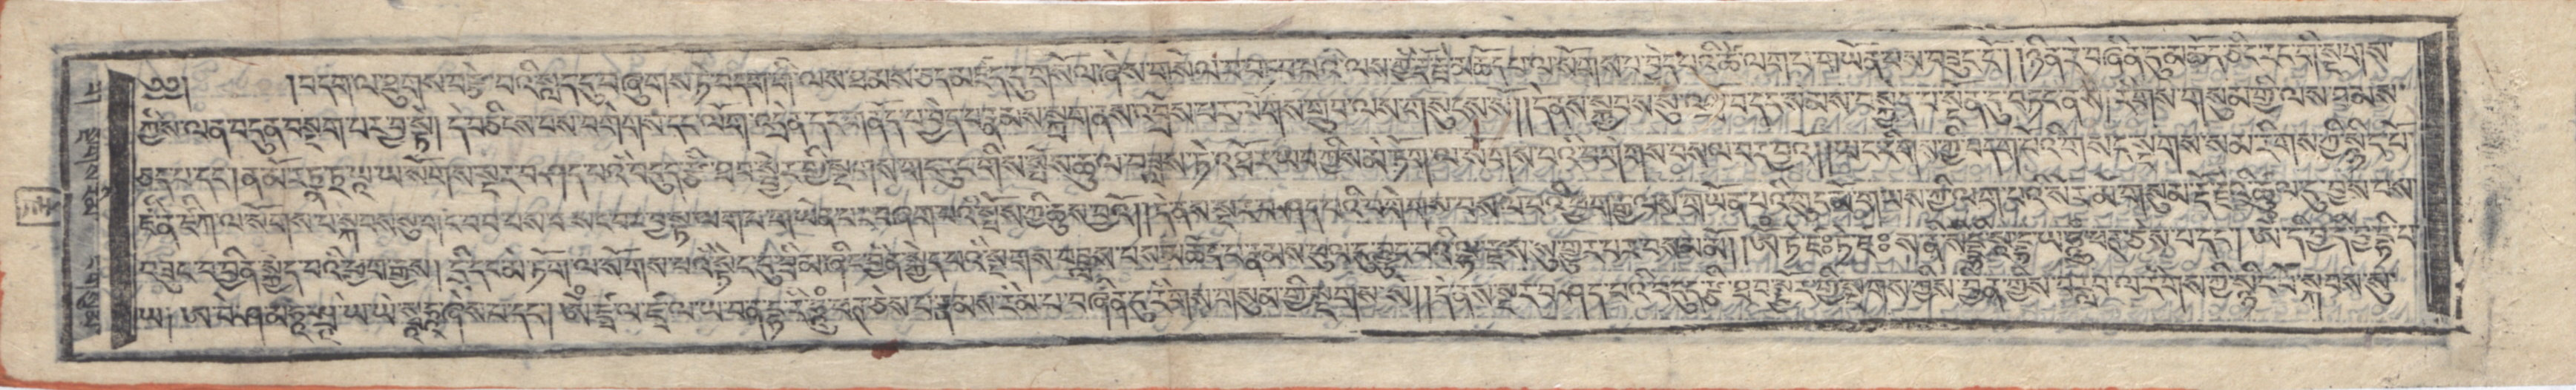༄༅། །བདག་ལ་ཐུགས་བརྩེ་བའི་སླད་དུ་བཞུགས་ཏེ་བདག་གི་ལས་ཐམས་ཅད་མཛད་དུ་གསོལ་ཞེས་གསོལ་བ་བཏབ་པའི་ལས་ཀྱི་རྡོ་རྗེ་མཆོད་པ་ལ་སོགས་པ་བྱེད་པའི་ཚེ་ལག་པ་གཡོན་པས་བཟུང་ངོ། །ཉིན་རེ་བཞིན་དུ་མཆོད་ཅིང་རང་གི་སྔགས་
ཀྱིས་ལན་བདུན་བསྔགས་པར་བྱ་སྟེ། དེ་བཅིངས་བས་བགེགས་དང་ལོག་འདྲེན་དང་གནོད་པ་བྱེད་པ་རྣམས་སྐྲག་ནས་འབྲོས་པར་ལེགས་གྲུབ་ལས་གསུངས་སོ། །དེ་ནས་སྐྱབས་སུ་འགྲོ་བ་དང་སེམས་བསྐྱེད་པ་སྔོན་དུ་བཏང་ནས། རིགས་གསུམ་གྱི་ལས་ཐམས་
ཅད་པ་དང་། ན་མོ་རཏྣ་ཏྲ་ཡཱ་ཡ་སོགས་སྔར་བཤད་པའི་བདུད་རྩི་ཐབ་སྦྱེར་གྱི་སྔགས་གང་རུང་གིས་སྤོས་ཆུ་ལ་བཟལས་ཏེ་འཐོར་ཡབ་ཀྱིས་མེ་ཏོག་ལ་སོགས་པའི་བགེགས་བསལ་བར་བྱའོ། །ཡང་རིགས་ཀྱི་བདག་པོའི་གསང་སྔགས་སམ་རིགས་ཀྱི་སྙིང་པོ་
ཛི་ན་ཛིཀ་ལ་སོགས་པ་སྐབས་སུ་གང་བབ་པས་བསང་བར་བྱ་སྟ་ལག་པ་གཡེན་པར་བཞག་པའི་སྦོས་ཀྱི་ཆུས་བྱའོ། །དེ་ནས་སྔར་བཤད་པའི་བགེགས་བསལ་བའི་ཕྱག་རྒྱ་ལས་གཡོན་པའི་གུང་མོ་གཡས་ཀྱི་ལག་པའི་སོར་མོ་གསུམ་རྡོ་རྗེའི་ཚུལ་དུ་བྱས་པས་
བཟུང་བ་བྱིན་སྐྱེད་པའི་ཕྱག་རྒྱས། དྲི་དང་མེ་ཏོག་ལ་སོགས་པའི་སྟེང་དུ་ཟིམ་ཞིང་བྱེན་སྐྱེད་པའི་སྔགས་བཟླས་པས་མཆོད་པ་རྣམས་ཕུལ་དུ་བྱུང་བའི་ལྷ་རྫས་སུ་གྱུར་པར་བསམ་མོ། །ཨོཾ་ཏེ་ཛཿ ཏེ་ཛཿ ས་ནི་སིདྡྷི་སཱ་དྷ་ཡ་ཧཱུཾ་ཕཊ་ཅེས་པ་དང་། ཨོཾ་དི་བྱ་དི་བྱ་དྷི་པ་
ཡ། ཨ་བེ་ཤ་མཧཱ་ཤྲའི་ཡ་ཡེ་སྭཱཧཱ་ཞེས་པ་དང་། ཨོཾ་ལ་ཛྭ་ལ་ཛྭ་ལ་ཡ་བ་ན་དྷ་རི་ཧཱུཾ་ཕཊ་ཅེས་པ་རྣམས་རིམ་པ་བཞིན་དུ་རིགས་གསུམ་གྱི་སྡགས་སོ། །དེ་ནས་སྔར་བཤད་པའི་བདུད་རྩི་ཐབ་སྦྱོར་གྱི་སྔགས་ཀྱིས་བྱིན་གྱིས་བརླབ་ལ་རིགས་ཀྱི་སྙིང་པོ་སྐབས་སུ་